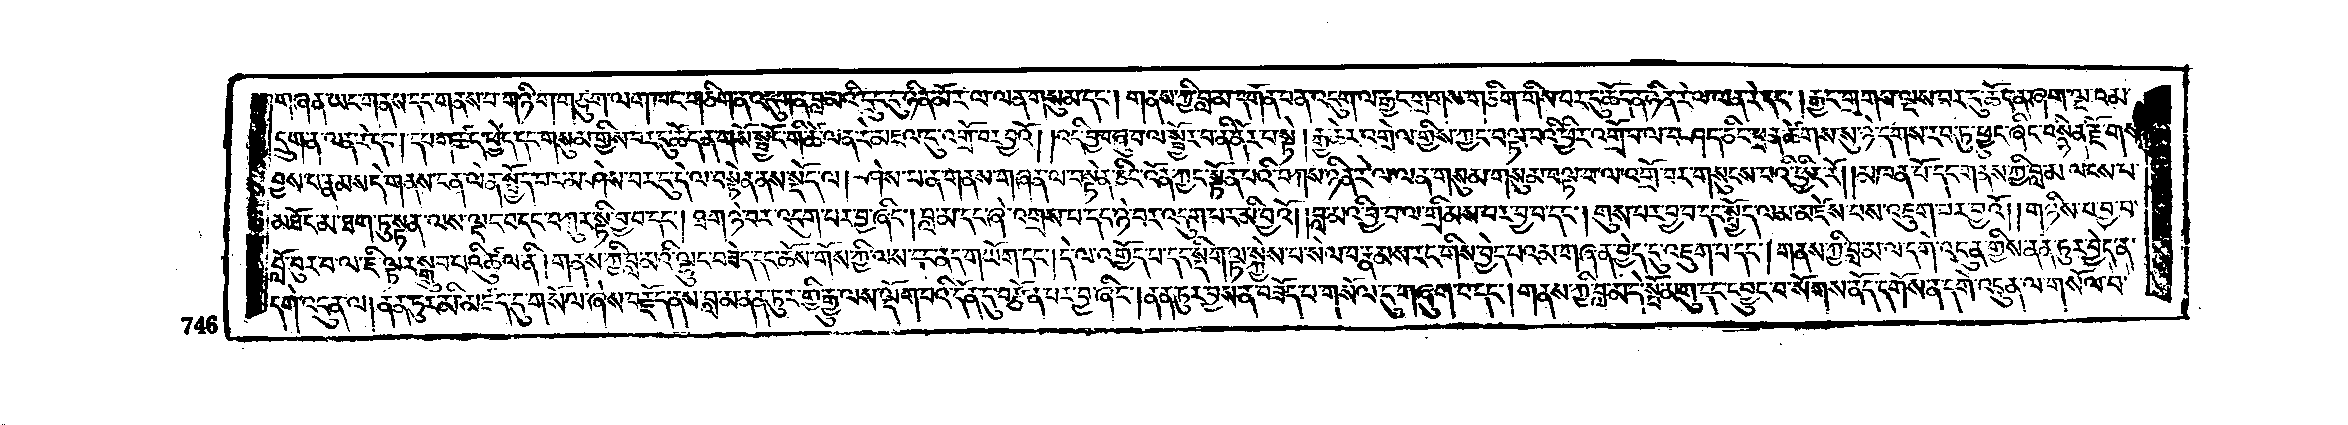གཞན་ཡང་གནས་དང་གནས་པ་གཉི་ག་གཙུག་ལག་ཁང་གཅིག་ན་འདུག་ན་བླ་མའི་དྲུང་དུ་ཉིན་མོར་ལ་ལན་གསུམ་དང་། གནས་ཀྱི་བླ་མ་དགོན་པ་ན་འདུག་ལ་རྒྱང་གྲགས་གཅིག་གིས་བར་དུ་ཆོས་ན་ཉིན་རེ་ལ་ལན་རེ་དང་། རྒྱང་གྲགས་ལྔས་བར་དུ་ཆོད་ན་ཞག་ལྔ་འམ་
དྲུག་ན་ལན་རེ་དང་། དཔག་ཚད་ཕྱེད་དང་གསུམ་གྱིས་བར་དུ་ཆོད་?་ན་གསོ་སྦྱོང་གི་ཚེ་ལན་རེ་མཇལ་དུ་འགྲོ་བར་བྱའོ། །འདི་བྱ་བ་ཞུ་བ་ལ་སྦྱོར་བ་ནི་ནོར་པ་སྟེ། རྒྱ་ཆེར་འགྲེལ་གྱིས་ཀྱང་བལྟ་བའི་ཕྱིར་འགྲོ་བ་ལ་བཤད་ཅིང་ཕྲན་ཚེགས་སུ་ཉེ་དགས་?་རབ་ཏུ་ཕྱུང་ཞིང་བསྙེན་རྫོགས་
བྱས་པ་རྣམས་དེ་གནས་ངན་ལེན་སྤྱོད་པར་མ་ཤེས་བར་དུ་དེ་ལ་བསྟེན་ནས་སྡོད་ལ། ཤེས་པ་ན་གནས་གཞན་ལ་བསྟེན་ཅིང་འོན་ཀྱང་སྟོན་པའི་བཀས་ཉིན་རེ་ལ་ལན་གསུམ་གསུམ་བལྟ་བ་ལ་འགྲོ་བར་གསུངས་པའི་ཕྱིར་རོ། །མཁན་པོ་དང་གནས་ཀྱི་བླ་མ་ལངས་པ་
མཐོང་མ་ཐག་ཏུ་སྟན་ལས་ལྡང་བ་དང་བཀུར་སྟི་བྱ་བ་དང་། ཐག་ཉེ་བར་འདུག་པར་བྱ་ཞིང་། བླ་མ་དང་ཞེ་འགྲས་པ་དང་ཉེ་བར་འདུག་པར་མི་བྱའོ། །བླ་མའི་བྱ་བ་ལ་གྲིམས་པར་བྱ་བ་དང་། གུས་པར་བྱ་བ་དང་སྤྱོད་ལམ་མཛེས་པས་འཇུག་པར་བྱའོ། །གཉིས་པ་བྱ་བ་
བློ་བུར་བ་ལ་ཇི་ལྟར་སྒྲུབ་པའི་ཚུལ་ནི། གནས་ཀྱི་བླ་མའི་ལྷུང་བཟེད་དང་ཆོས་གོས་ཀྱི་ལས་དང་ནད་གཡོག་དང་། དེ་ལ་འགྱོད་པ་དང་སྡིག་ལྟ་སྐྱེས་པ་སེལ་བ་རྣམས་རང་གིས་བྱེད་པའམ་གཞན་བྱེད་དུ་འཇུག་པ་དང་། གནས་ཀྱི་བླ་མ་ལ་དགེ་འདུན་གྱིས་ནན་ཏུར་བྱེད་ན་
དགེ་འདུན་ལ། ནན་ཏུར་མི་མཛད་དུ་གསོལ་ཞེས་བརྗོད་ནས་བླ་མ་ནན་ཏུར་གྱི་རྒྱུ་ལས་ལྡོག་པའི་དོན་དུ་བརྩོན་པར་བྱ་ཞིང་། ནན་ཏུར་བྱས་ན་བཟོད་པ་གསོལ་དུ་གཞུག་པ་དང་། གནས་ཀྱི་བླ་མ་དེ་སྤོ་མགུ་དང་དབྱུང་བ་སོགས་ནོད་དགོས་ན་དགེ་འདུན་ལ་གསོལ་བ་